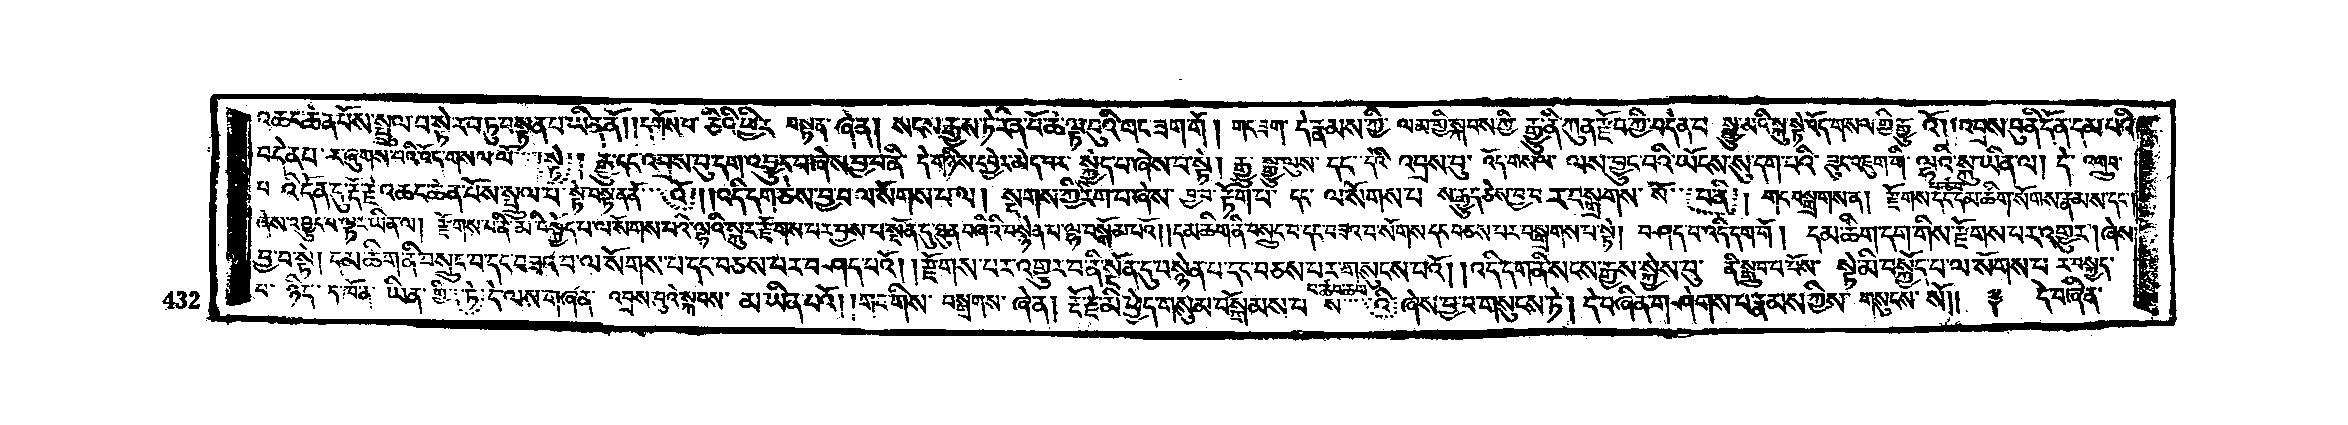འཆང་ཆེན་པོས་སྤྲུལ་པ་སྟེ་རབ་ཏུ་བསྟན་པ་ཡིན་ནོ། ། དགོས་པ་ཅིའི་ཕྱིར་བསྟན་ཞེ་ན། སངས་རྒྱས་ཏེ་རིན་པོ་ཆེ་ལྟ་བུའི་གང་ཟག་གོ ། གང་ཟག་དེ་རྣམས་ཀྱི་ལམ་གྱི་སྐབས་ཀྱི་རྒྱུ་ནི་ཀུན་རྫོབ་ཀྱི་བདེན་པ་སྒྱུ་མའི་སྐུ་སྟེ་འོད་གསལ་གྱི་རྒྱུའོ། །འབྲས་བུ་ནི་དོན་དམ་པའི་
བདེན་པར་ཞུགས་པའི་འོད་གསལ་པོ་སྟེ། རྒྱུ་དང་འབྲས་བུ་དག་འབྱུང་བ་ཞེས་བྱ་བ་ནི་དེ་གཉིས་དབྱེར་མེད་པར་སྐྱེད་པ་ཞེས་པ་སྟེ། རྒྱུ་སྒྱུ་ལུས་དང་དེའི་འབྲས་བུ་འོད་གསལ་ལས་བྱུང་བའི་ཡོངས་སུ་དག་པའི་ཟུང་འཇུག་གི་ལྷའི་སྐུ་ཡིན་ལ། དེ་འགྲུབ་
པའི་དོན་དུ་རྡོ་རྗེ་འཆང་ཆེན་པོས་སྤྲུལ་པ་སྟེ་བསྟན་ནོ་འོ། །འདི་དག་ཅེས་བྱ་བ་ལ་སོགས་པ་ལ། སྔགས་ཀྱི་རིག་པ་ཞེས་བྱ་བ་རྟོག་པ་དང་ལ་སོགས་པས་རྒྱུད་ཅེས་བྱ་བར་བསྒྲགས་སོ་པ་ནི། གང་བསྒྲགས་ན། རྫོགས་པ་ཚབ་དང་དམ་ཚིག་སོགས་རྣམས་དང་
ཞེས་འབྱུང་བ་ལྟར་ཡིན་ལ། རྫོགས་པ་ནི་མི་བསྐྱོད་པ་ལ་སོགས་པའི་ལྷའི་སྐུར་རྫོགས་པར་བྱས་པ་སྔོན་དུ་ཐུན་བཞིའི་བསྙེན་པ་ལྷ་བསྒོམ་པའོ། །དམ་ཚིག་ནི་བསྲུང་བ་དང་བཟའ་བ་སོགས་དང་བཅས་པར་བསྒྲགས་པ་སྟེ། བཤད་པ་འདི་དག་གོ །དམ་ཚིག་དག་གིས་རྫོགས་པར་འགྱུར། །ཞེས་
བྱ་བ་སྟེ། དམ་ཚིག་ནི་བསྲུང་བ་དང་བཟའ་བ་ལ་སོགས་པ་དང་བཅས་པར་བཤད་པའོ། །རྫོགས་པར་འགྱུར་བ་ནི་སྔོན་དུ་བསྙེན་པ་དང་བཅས་པར་གསུངས་པའོ། །འདི་དག་ནི་སངས་རྒྱས་སྐྱེས་བུ་ནི་སྒྲུབ་པ་པོས་སྟེ་ནི་བསྐྱོད་པ་ལ་སོགས་པར་བསྐྱེད་
པ་ཉིད་དེ་ཁོ་ན་ཡིན་གྱི་ཏེ་དེ་ལས་གཞན་འབྲས་བུའི་སྐབས་མ་ཡིན་པའོ། །གང་གིས་བསྒྲགས་ཞེ་ན། རྡོ་རྗེ་མི་ཕྱེད་གསུམ་བསྒོམས་པས་པ་ཚབ་ཆག་འི་ཞེས་བྱ་བ་གསུངས་ཏེ། དེ་བཞིན་གཤེགས་པ་རྣམས་ཀྱིས་གསུངས་སོ།། ༈ དེ་བཞིན་